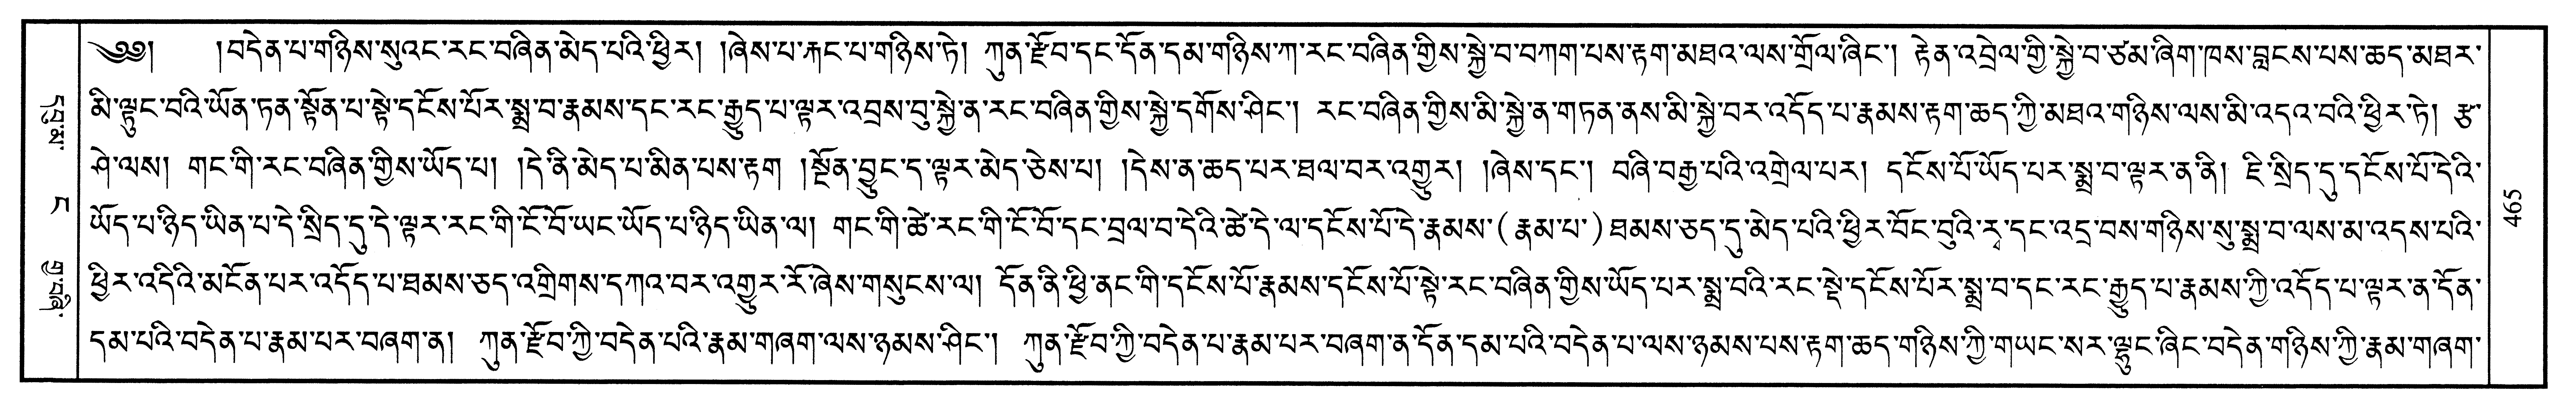༄༅། །བདེན་པ་གཉིས་སུའང་རང་བཞིན་མེད་པའི་ཕྱིར། །ཞེས་པ་རྐང་པ་གཉིས་ཏེ། ཀུན་རྫོབ་དང་དོན་དམ་གཉིས་ཀ་རང་བཞིན་གྱིས་སྐྱེ་བ་བཀག་པས་རྟག་མཐའ་ལས་གྲོལ་ཞིང་། །རྟེན་འབྲེལ་གྱི་སྐྱེ་བ་ཙམ་ཞིག་ཁས་བླངས་པས་ཆད་མཐར་
མི་ལྟུང་བའི་ཡོན་ཏན་སྟོན་པ་སྟེ་དངོས་པོར་སྨྲ་བ་རྣམས་དང་རང་རྒྱུད་པ་ལྟར་འབྲས་བུ་སྐྱེ་ན་རང་བཞིན་གྱིས་སྐྱེ་དགོས་ཤིང་། རང་བཞིན་གྱིས་མི་སྐྱེ་ན་གཏན་ནས་མི་སྐྱེ་བར་འདོད་པ་རྣམས་རྟག་ཆད་ཀྱི་མཐའ་གཉིས་ལས་མི་འདའ་བའི་ཕྱིར་ཏེ། རྩ་
ཤེ་ལས། གང་གི་རང་བཞིན་གྱིས་ཡོད་པ། །དེ་ནི་མེད་པ་མིན་པས་རྟག །སྔོན་བྱུང་ད་ལྟར་མེད་ཅེས་པ། །དེས་ན་ཆད་པར་ཐལ་བར་འགྱུར། །ཞེས་དང་། བཞི་བརྒྱ་བའི་འགྲེལ་པར། དངོས་པོ་ཡོད་པར་སྨྲ་བ་ལྟར་ན་ནི། ཇི་སྲིད་དུ་དངོས་པོ་དེའི་
ཡོད་པ་ཉིད་ཡིན་པ་དེ་སྲིད་དུ་དེ་ལྟར་རང་གི་ངོ་བོ་ཡང་ཡོད་པ་ཉིད་ཡིན་ལ། གང་གི་ཚེ་རང་གི་ངོ་བོ་དང་བྲལ་བ་དེའི་ཚེ་དེ་ལ་དངོས་པོ་དེ་རྣམས་རྣམ་པ་ཐམས་ཅད་དུ་མེད་པའི་ཕྱིར་བོང་བུའི་རྭ་དང་འདྲ་བས་གཉིས་སུ་སྨྲ་བ་ལས་མ་འདས་པའི་
ཕྱིར་འདིའི་མངོན་པར་འདོད་པ་ཐམས་ཅད་འགྲིགས་དཀའ་བར་འགྱུར་རོ་ཞེས་གསུངས་ལ། དོན་ནི་ཕྱི་ནང་གི་དངོས་པོ་རྣམས་དངོས་པོ་སྟེ་རང་བཞིན་གྱིས་ཡོད་པར་སྨྲ་བའི་རང་སྡེ་དངོས་པོར་སྨྲ་བ་དང་རང་རྒྱུད་པ་རྣམས་ཀྱི་འདོད་པ་ལྟར་ན་དོན་
དམ་པའི་བདེན་པ་རྣམ་པར་བཞག་ན། ཀུན་རྫོབ་ཀྱི་བདེན་པའི་རྣམ་གཞག་ལས་ཉམས་ཤིང་། ཀུན་རྫོབ་ཀྱི་བདེན་པ་རྣམ་པར་བཞག་ན་དོན་དམ་པའི་བདེན་པ་ལས་ཉམས་པས་རྟག་ཆད་གཉིས་ཀྱི་གཡང་སར་ལྷུང་ཞིང་བདེན་གཉིས་ཀྱི་རྣམ་གཞག་